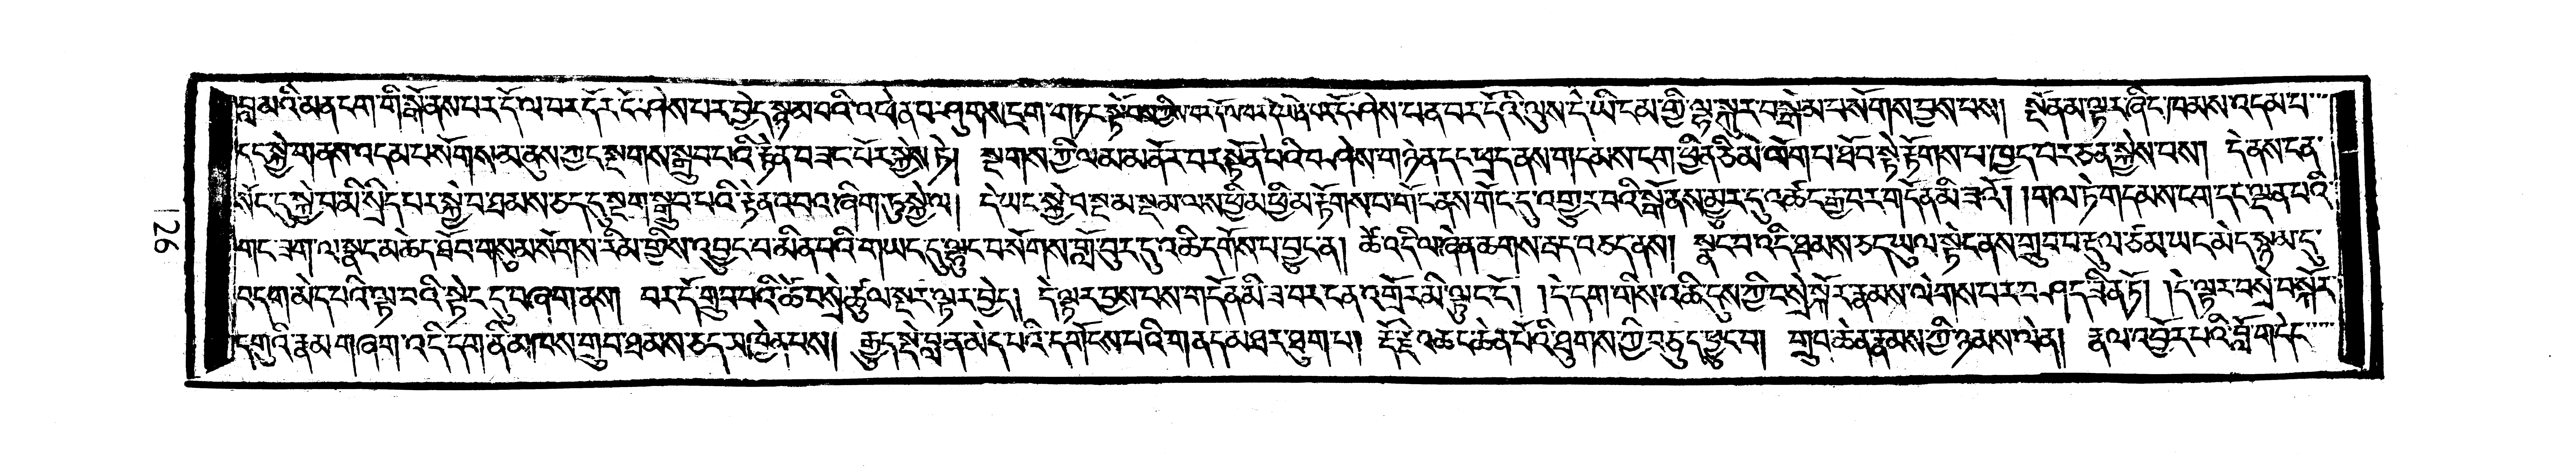བླ་མའི་མན་ངག་གི་སྒོ་ནས་བར་དོ་ལ་བར་དོར་ངོ་ཤེས་པར་བྱེད་སྙམ་པའི་འཕེན་པ་ཤུགས་དྲག་བཏང་སྟོབས་ཀྱིས་བར་དོ་ལ་བར་དོ་ཡིན་པར་ངོ་ཤེས་པ་ན་བར་དོའི་ལུས་དེ་ཡི་དམ་གྱི་ལྷ་སྐུར་བསྒོམ་པ་སོགས་བྱས་པས། སྔོན་མ་ལྟར་ཞིང་ཁམས་འདམ་པ་
དང་སྐྱེ་གནས་འདམ་པ་སོགས་མ་ནུས་ཀྱང་སྔགས་སྒྲུབ་པའི་རྟེན་བཟང་པོར་སྐྱེས་ཏེ། སྔགས་ཀྱི་ལམ་མ་ནོར་བར་སྟོན་པའི་བཤེས་གཉེན་དང་ཕྲད་ནས་གདམས་ངག་ཕྱིན་ཅི་མ་ལོག་པ་ཐོབ་སྟེ་རྟོགས་པ་ཁྱད་པར་ཅན་སྐྱེ་བས། དེ་ནས་ངན་
སོང་དུ་སྐྱེ་བ་མི་སྲིད་པར་སྐྱེ་བ་ཐམས་ཅད་དུ་སྔགས་སྒྲུབ་པའི་རྟེན་འབའ་ཞིག་ཏུ་སྐྱེ་ལ། དེ་ཡང་སྐྱེ་བ་སྔ་མ་སྔ་མ་ལས་ཕྱི་མ་ཕྱི་མ་རྟོགས་པ་གོང་ནས་གོང་དུ་འགྱུར་པའི་སྒོ་ནས་མྱུར་དུ་འཚང་རྒྱ་བར་གདོན་མི་ཟའོ། །གལ་ཏེ་གདམས་ངག་དང་ལྡན་པའི་
གང་ཟག་ལ་སྣང་མཆེད་ཐོབ་གསུམ་སོགས་རིམ་གྱིས་འབྱུང་བ་མིན་པའི་གཡང་དུ་ལྷུང་བ་སོགས་གློ་བུར་དུ་འཆི་དགོས་པ་བྱུང་ན། ཚེ་འདི་ལ་ཞེན་ཆགས་རྦད་བཅད་ནས། སྣང་བ་འདི་ཐམས་ཅད་ཡུལ་སྟེང་ནས་གྲུབ་པ་རྡུལ་ཙམ་ཡང་མེད་སྙམ་དུ་
བདག་མེད་པའི་ལྷ་པའི་སྟེང་དུ་བཞག་ནས། བར་དོ་གྲུབ་པའི་ཚེ་བསྲེ་ཚུལ་སྔར་ལྟར་བྱེད། དེ་ལྟར་བྱས་པས་གདོན་མི་ཟ་བར་ངན་འགྲོར་མི་ལྟུང་ངོ། །དེ་དག་གིས་འཆི་དུས་ཀྱི་བསྲེ་སྐོར་རྣམས་ལེགས་པར་བཤད་ཟིན་ཏོ། །དེ་ལྟར་བསྲེ་བསྐོར་
དགུའི་རྣམ་གཞག་འདི་དག་ནི་མཁས་གྲུང་ཐམས་ཅད་མཁྱེན་པས། རྒྱུད་སྡེ་བླ་ན་མེད་པའི་དགོངས་པའི་གནད་མཐར་ཐུག་པ། རྡོ་རྗེ་འཆང་ཆེན་པོའི་ཐུགས་ཀྱི་བཅུང་ཕྱུང་བ། གྲུབ་ཆེན་རྣམས་ཀྱི་ཉམས་ལེན། རྣལ་འབྱོར་བའི་བློ་གདེང་